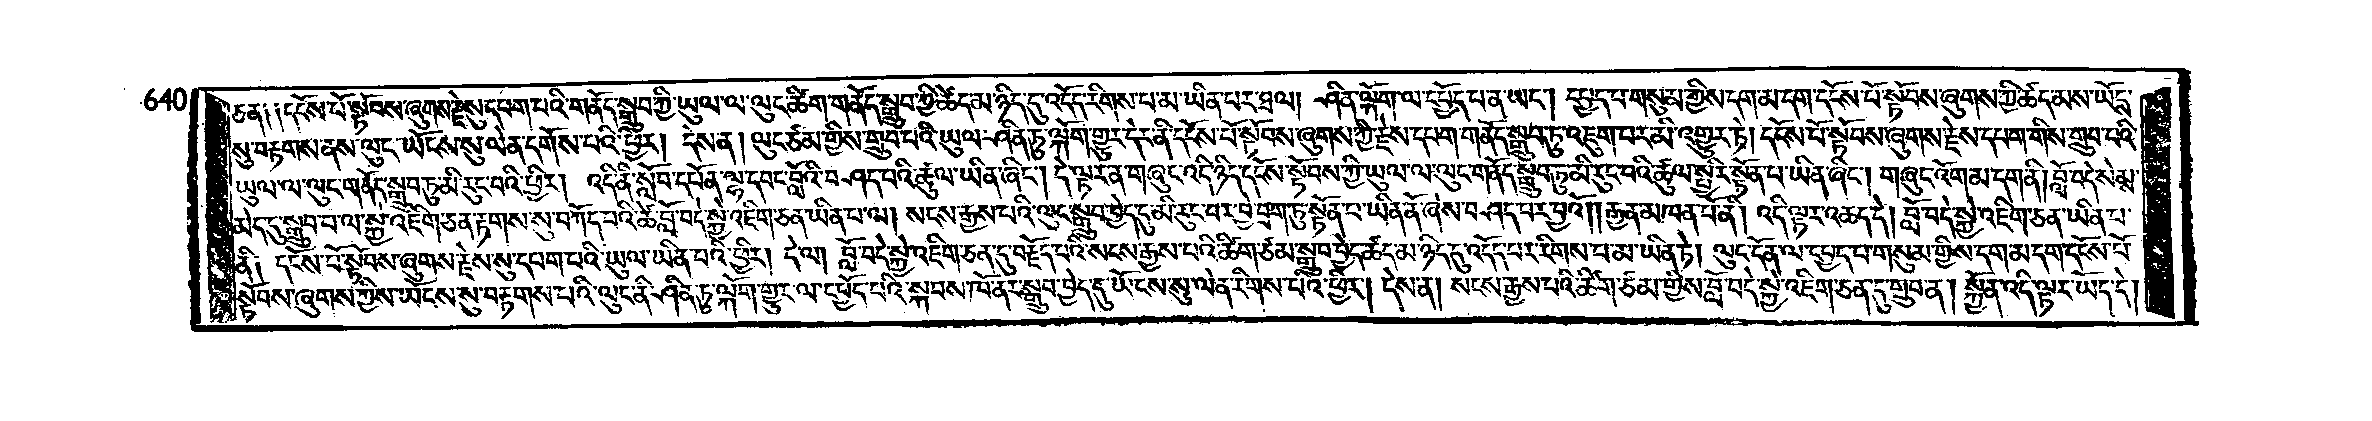ཅན། །དངོས་པོ་སྟོབས་ཞུགས་རྗེས་སུ་དཔག་པའི་གནོད་སྒྲུབ་ཀྱི་ཡུལ་ལ་ལུང་ཚིག་གནོད་སྒྲུབ་ཀྱི་ཚེད་མ་ཉིད་དུ་འདོད་རིགས་པ་མ་ཡིན་པར་ཐལ། ཤིན་ལྐོག་ལ་དཔྱོད་པ་ན་ཡང་། དཔྱད་པ་གསུམ་གྱིས་དག་མ་དག་དངོས་པོ་སྟོབས་ཞུགས་ཀྱི་ཚད་མས་ཡོངས་
སུ་བརྟགས་ནས་ལུང་ཡོངས་སུ་ལེན་དགོས་པའི་ཕྱིར། དེས་ན། ལུང་ཙམ་གྱིས་གྲུབ་པའི་ཡུལ་ཤིན་ཏུ་ལྐོག་གྱུར་དེར་ནི་དངོས་པོ་སྟོབས་ཞུགས་ཀྱི་རྗེས་དཔག་གནོད་སྒྲུབ་ཏུ་འཇུག་པར་མི་འགྱུར་ཏེ། དངོས་པོ་སྟོབས་ཞུགས་རྗེས་དཔག་གིས་གྲུབ་པའི་
ཡུལ་ལ་ལུང་གནོད་སྒྲུབ་ཏུ་མི་རུང་བའི་ཕྱིར། འདི་ནི་སློབ་དཔོན་ལྷ་དབང་བློའི་བཤད་པའི་ཚུལ་ཡིན་ཞིང་། དེ་ལྟར་ན་གཞུང་འདི་ཉིད་དངོས་སྟོབས་ཀྱི་ཡུལ་ལ་ལུང་གནོད་སྒྲུབ་ཏུ་མི་རུང་པའི་ཚུལ་སྤྱིར་སྟོན་པ་ཡིན་ཞིང་། གཞུང་འོག་མ་དག་ནི། བློ་བདེ་སེམས་
མེད་དུ་སྒྲུབ་པ་ལ་སྐྱེ་འཇིག་ཅན་རྟགས་སུ་བཀོད་པའི་ཚེ་བློ་བདེ་སྐྱེ་འཇིག་ཅན་ཡིན་པ་ལ། སངས་རྒྱས་པའི་ལུང་སྒྲུབ་བྱེད་དུ་མི་རུང་བར་བྱེ་བྲག་ཏུ་སྟོན་པ་ཡིན་ནོ་ཞེས་བཤད་པར་བྱའོ། །རྒྱན་མཁན་པོ་ནི། འདི་ལྟར་འཆད་དེ། བློ་བདེ་སྐྱེ་འཇིག་ཅན་ཡིན་པ་
ནི། དངོས་པོ་སྟོབས་ཞུགས་རྗེས་སུ་དཔག་པའི་ཡུལ་ཡིན་པའི་ཕྱིར། དེ་ལ། བློ་བདེ་སྐྱེ་འཇིག་ཅན་དུ་བརྗོད་པའི་སངས་རྒྱས་པའི་ཚིག་ཙམ་སྒྲུབ་བྱེད་ཚད་མ་ཉིད་དུ་འདོད་པར་རིགས་པ་མ་ཡིན་ཏེ། ལུང་དོན་ལ་དཔྱད་པ་གསུམ་གྱིས་དག་མ་དག་དངོས་པོ་
སྟོབས་ཞུགས་ཀྱིས་ཡོངས་སུ་བརྟགས་པའི་ལུང་ནི་ཤིན་ཏུ་ལྐོག་གྱུར་ལ་དཔྱོད་པའི་སྐབས་ཁོ་ནར་སྒྲུབ་བྱེད་དུ་ཡོངས་སུ་ལེན་རིགས་པའི་ཕྱིར། དེས་ན། སངས་རྒྱས་པའི་ཚིག་ཙམ་གྱིས་བློ་བདེ་སྐྱེ་འཇིག་ཅན་དུ་གྲུབ་ན། སྐྱོན་འདི་ལྟར་ཡོད་དེ།